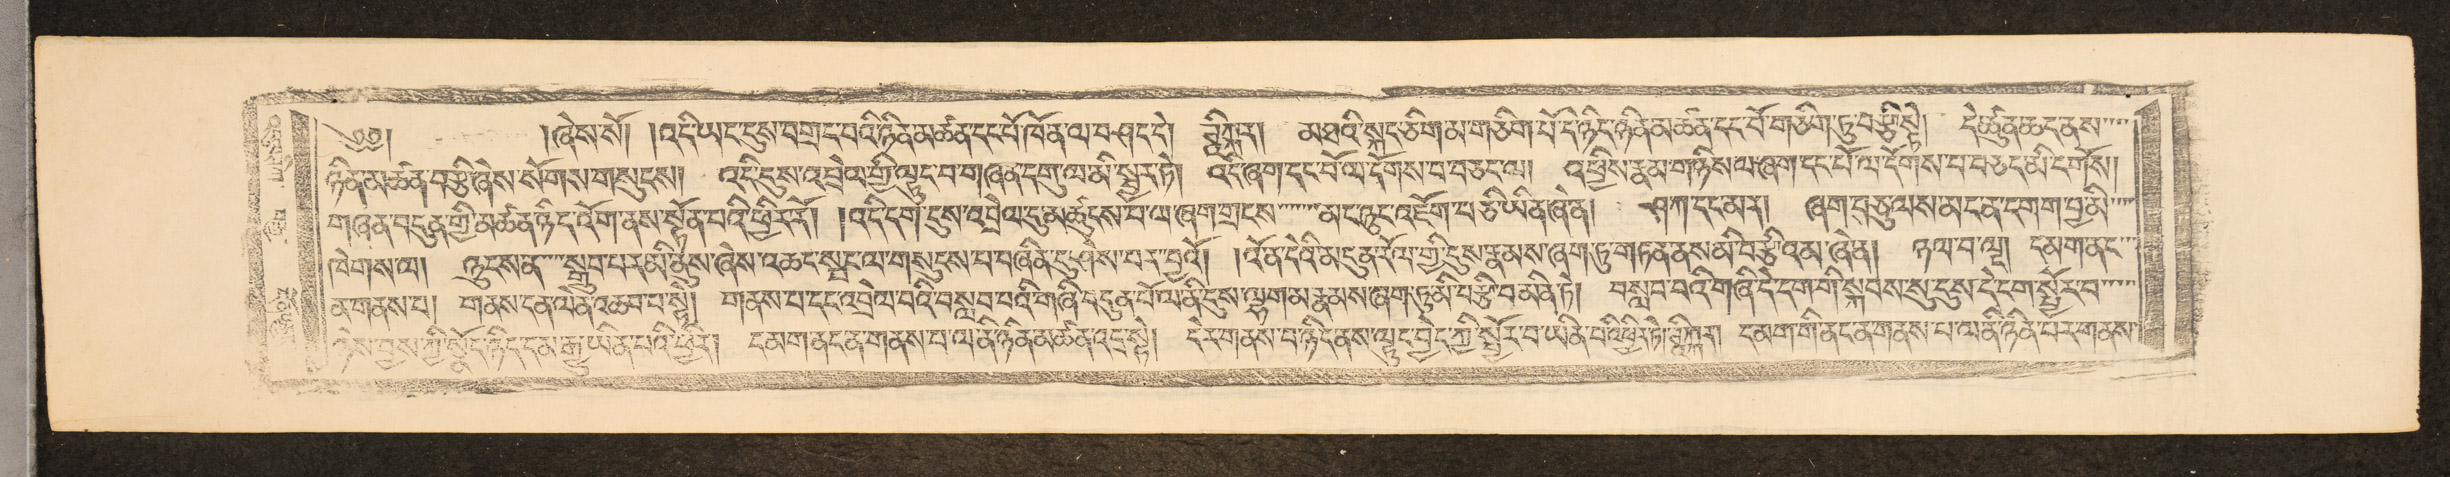༄༅། །ཞེས་སོ། །འདི་ཡང་དུས་བགྲང་བའི་ཉིན་མཚན་དང་པོ་ཁོ་ན་ལ་བཤད་དེ། ཊཱིཀྐར། མཐའི་སྐད་ཅིག་མ་གཅིག་བོ་དེ་ཉིད་ཉིན་མཚན་དང་པོ་གཅིག་ཏུ་བརྩི་སྟེ། དེ་ཚུན་ཆད་ནས་
ཉིན་མཚན་བརྩི་ཞེས་སོགས་གསུངས། འདི་དུས་འབྲེལ་གྱི་ལྟུང་བ་གཞན་དགུ་ལ་མི་སྦྱར་ཏེ། འདི་ཞག་དང་པོ་ལ་དོགས་པ་བཅད་ལ། འཕྱིས་རྣམ་གཉིས་ལ་ཞག་དང་པོ་ལ་དོགས་པ་བཅད་མི་དགོས།
གཞན་བདུན་གྱི་མཚན་ཉིད་འོག་ནས་སྟོན་པའི་ཕྱིར་རོ། །འདི་དག་དུས་འབྲེལ་དུ་མཚུངས་པ་ལ་ཞག་གྲངས་མང་ཉུང་འཇོག་པ་ཅི་ཡིན་ཞེ་ན། ཤཀ་དད་མར། ཞག་བཅུ་ལས་མང་ན་དགག་བྱ་མི་
ཁེགས་ལ། ཉུངས་ན་སྒྲུབ་པར་མི་ནུས་ཞེས་འཆང་སྤང་ལ་གསུངས་པ་བཞིན་དུ་ཤེས་པར་བྱའོ། །འོ་ན་དེའི་མདུན་རོལ་གྱི་དུས་རྣམས་ཞག་ཏུ་གཏན་ནས་མི་བརྩི་འམ་ཞེ་ན། ཉལ་བ་ལྔ། དམག་ནང་
ན་གནས་པ། གནས་ངན་ལེན་འཆབ་པ་སྟེ། གནས་པ་དང་འབྲེལ་བའི་བསླབ་པའི་གཞི་བདུན་པོ་ལ་ནི་དུས་ལྷག་མ་རྣམས་ཞག་ཏུ་མི་བརྩི་བ་མིན་ཏེ། བསླབ་པའི་གཞི་དེ་དག་གི་སྐབས་སུ་དུས་དེ་དག་སྦྱོར་བ་
ཉེས་བྱས་ཀྱི་སྣོད་ཉིད་དམ་རྒྱུ་ཡིན་པའི་ཕྱིར། དམག་ནང་ན་གནས་པ་ལ་ནི་ཉིན་མཚན་འདྲ་སྟེ། དེར་གནས་པ་ཉིད་ནས་ལྟུང་བྱེད་ཀྱི་སྦྱོར་བ་ཡིན་པའི་ཕྱིར་ཏེ། ཊཱིཀྐར། དམག་གི་ནང་ན་གནས་པ་ལ་ནི་ཉིན་པར་གནས་